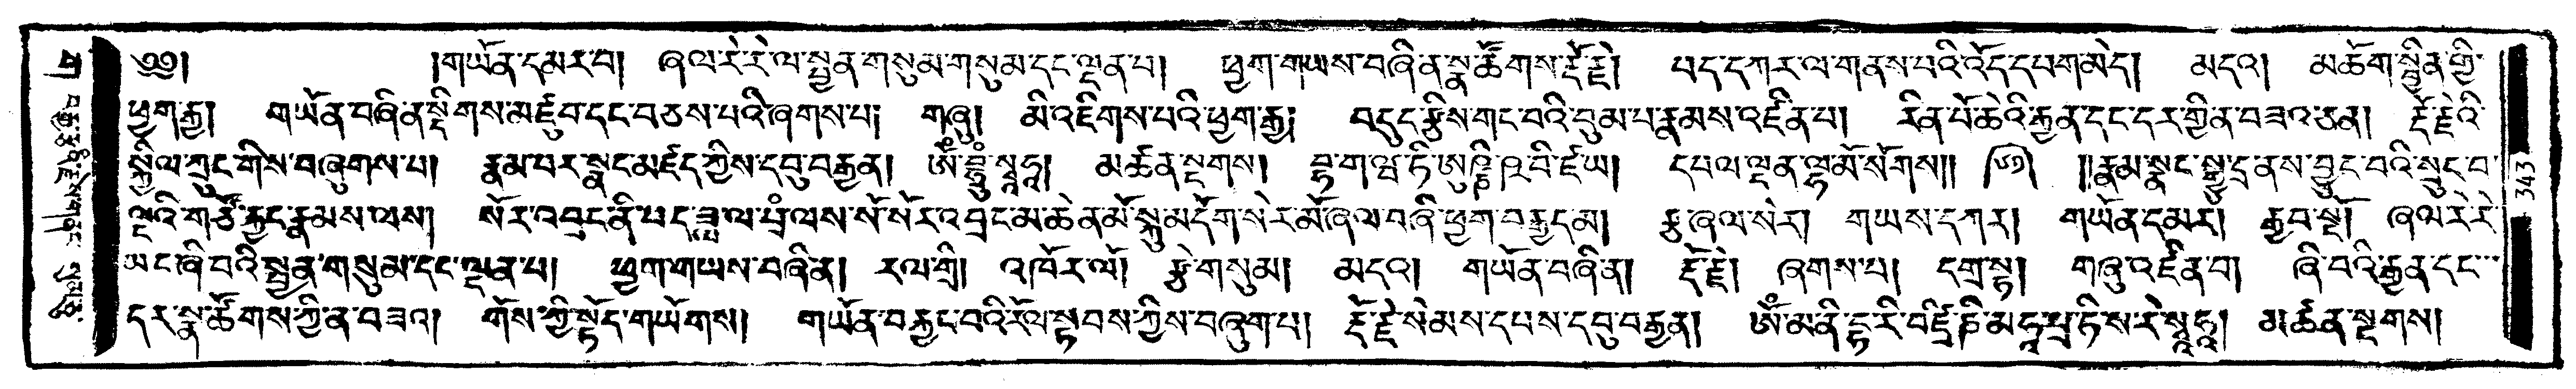༄༅། །གཡོན་དམར་པ། ཞལ་རེ་རེ་ལ་སྤྱན་གསུམ་གསུམ་དང་ལྡན་པ། ཕྱག་གཡས་བཞི་ན་སྣ་ཚོགས་རྡོ་རྗེ། པད་དཀར་ལ་གནས་པའི་འོད་དཔག་མེད། མདའ། མཆོག་སྦྱིན་གྱི་
ཕྱག་རྒྱ། གཡོན་བཞི་ན་སྡིགས་མཛུབ་དང་བཅས་པའི་ཞགས་པ༑ གཞུ། མི་འཇིགས་པའི་ཕྱག་རྒྱ། བདུད་རྩིས་གང་པའི་བུམ་པ་རྣམས་འཛིན་པ། རིན་པོ་ཆེའི་རྒྱན་དང་དར་གྱི་ན་བཟའ་ཅན། རྡོ་རྗེའི་
སྐྱིལ་ཀྲུང་གིས་བཞུགས་པ། རྣམ་པར་སྣང་མཛད་ཀྱིས་དབུ་བརྒྱན། ཨོཾ་བྷྲུཾ་སྭཱཧཱ། མཚན་སྔགས། བྷ་ག་ཝ་ཏི་ཨུཥྞི་ཥ་བི་ཛ་ཡ། དཔལ་ལྡན་ལྷ་མོ་སོགས།། ༦༡?་།།རྣམ་སྣང་སྒྱུ་དྲ་ནས་བྱུང་བའི་སྲུང་བ་
ལྔའི་གཙོ་རྐྱང་རྣམས་ལས། སོར་འབྲང་ནི་པད་ཟླ་ལ་པྲཾ་ལས་སོ་སོར་འབྲང་མ་ཆེན་མོ་སྐུ་མདོག་སེར་མོ་ཞལ་བཞི་ཕྱག་བརྒྱད་མ། རྩ་ཞལ་སེར། གཡས་དཀར། གཡོན་དམར། རྒྱབ་སྔོ། ཞལ་རེ་རེ་
ཡང་ཞི་བའི་སྤྱན་གསུམ་དང་ལྡན་པ། ཕྱག་གཡས་བཞིན། རལ་གྲི། འཁོར་ལོ། རྩེ་གསུམ། མདའ། གཡོན་བཞི་ན། རྡོ་རྗེ། ཞགས་པ། དགྲ་སྟ། གཞུ་འཛིན་པ། ཞི་བའི་རྒྱན་དང་
དར་སྣ་ཚོགས་ཀྱི་ན་བཟའ། གོས་ཀྱི་སྟོད་གཡོགས། གཡོན་བརྐྱང་བའི་རོལ་སྟབས་ཀྱིས་བཞུག་པ། རྡོ་རྗེ་སེམས་དཔས་དབུ་བརྒྱན། ཨོཾ་མ་ནི་དྷ་རི་བཛྲི་ཎི་མཧཱ་པྲ་ཏི་ས་རེ་སྭཱཧཱ། མཚན་སྔགས།